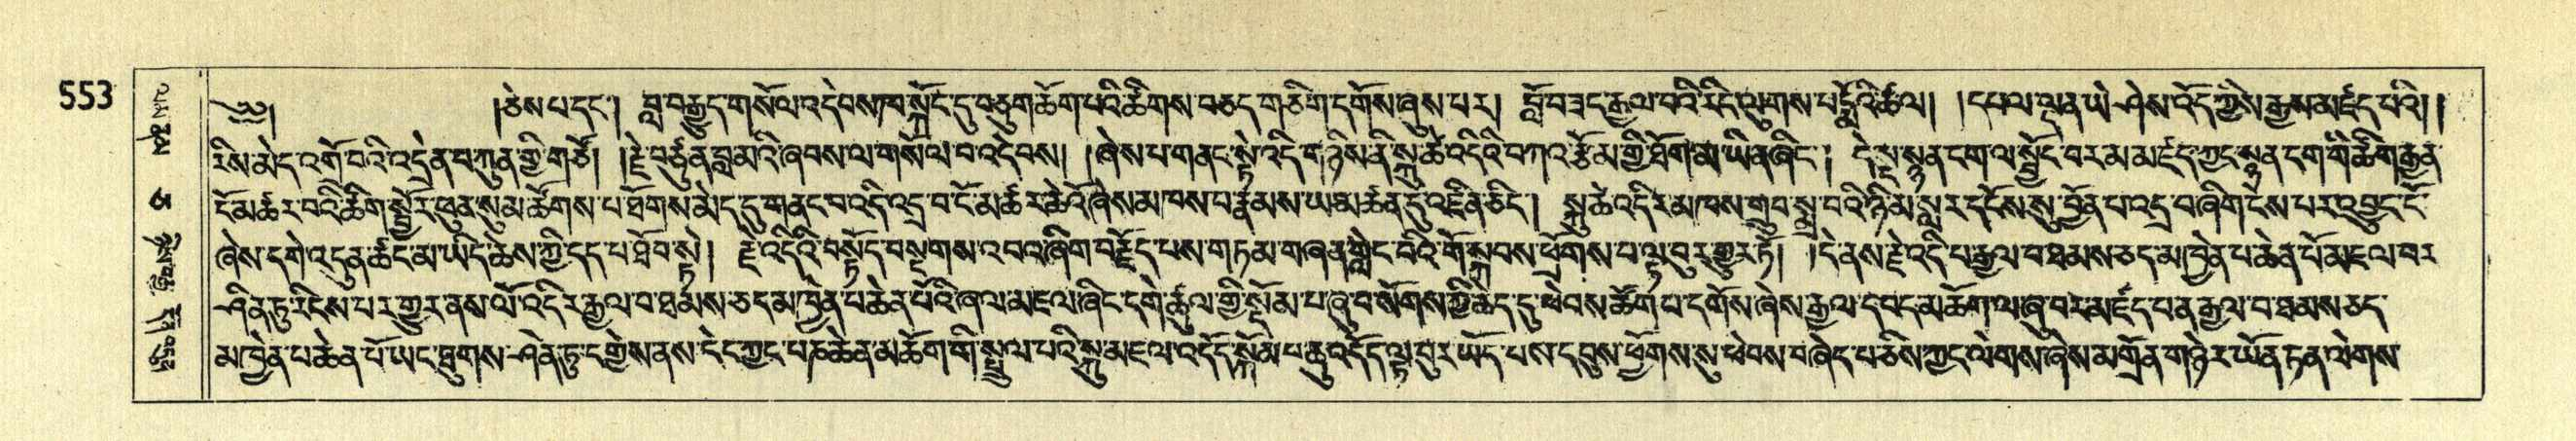༄༅། །ཅེས་པ་དང་། བླ་བརྒྱུད་གསོལ་འདེབས་ཁ་སྐོང་དུ་བཅུག་ཆོག་པའི་ཚིགས་བཅད་གཅིག་དགོས་ཞུས་པར། བློ་བཟང་རྒྱལ་བའི་རིང་ལུགས་པདམོའི་ཚལ། །དཔལ་ལྡན་ཡེ་ཤེས་འོད་ཀྱིས་རྒྱས་མཛད་པའི།།
རིས་མེད་འགྲོ་བའི་འདྲེན་བ་ཀུན་གྱི་གཙོ། །རྗེ་བཙུན་བླ་མའི་ཞབས་ལ་གསོལ་བ་འདེབས། །ཞེས་པ་གནང་སྟེ་འདི་གཉིས་ནི་སྐུ་ཚེ་འདིའི་བཀའ་རྩོམ་གྱི་ཐོག་མ་ཡིན་ཞིང་། དེ་སྔ་སྙན་ངག་ལ་སྦྱོང་བར་མ་མཛད་ཀྱང་སྙན་ངག་གི་ཚིག་རྒྱན་
ངོ་མཚར་བའི་ཚིག་སྦྱོར་ཕུན་སུམ་ཚོགས་པ་ཐོགས་མེད་དུ་གནང་བ་འདི་འདྲ་བ་ངོ་མཚར་ཆེའོ་ཞེས་མཁས་པ་རྣམས་ཡ་མཚན་དུ་འཛིན་ཅིང་། སྐུ་ཚེ་འདིར་མཁས་གྲུབ་སྨྲ་བའི་ཉི་མ་སླར་དངོས་སུ་བྱོན་པ་འདྲ་བ་ཞིག་ངེས་པར་འབྱུང་ངོ་
ཞེས་དགེ་འདུན་ཚང་མ་ཡིད་ཆེས་ཀྱི་དད་པ་ཐོབ་སྟེ། རྗེ་འདིའི་བསྟོད་བསྔགས་འབའ་ཞིག་བརྗོད་པས་གཏམ་གཞན་གླེང་བའི་གོ་སྐབས་ཕྲོགས་པ་ལྟ་བུར་གྱུར་ཏོ། །དེ་ནས་རྗེ་འདི་པ་རྒྱལ་བ་ཐམས་ཅད་མཁྱེན་པ་ཆེན་པོ་མཇལ་བར་
ཤིན་ཏུ་རིངས་པར་གྱུར་ནས་ལོ་འདིར་རྒྱལ་བ་ཐམས་ཅད་མཁྱེན་པ་ཆེན་པོའི་ཞལ་མཇལ་ཞིང་དགེ་ཚུལ་གྱི་སྡོམ་པ་ཞུ་བ་སོགས་ཀྱི་ཆེད་དུ་ཕེབས་ཚོགས་པ་དགོས་ཞེས་རྒྱལ་དབང་མཆོག་ལ་ཞུ་བར་མཛད་པ་ན་རྒྱལ་བ་ཐམས་ཅད་
མཁྱེན་པ་ཆེན་པོ་ཡང་ཐུགས་ཤིན་ཏུ་དགྱེས་ནས་ངེད་ཀྱང་པཎ་ཆེན་མཆོག་གི་སྤྲུལ་པའི་སྐུ་མཇལ་འདོད་སྐོམ་པ་ཆུ་འདོད་ལྟ་བུར་ཡོད་པས་དབུས་ཕྱོགས་སུ་ཕེབས་བཞེད་པ་ཅིས་ཀྱང་ལེགས་ཞེས་མགྲོན་གཉེར་ཡོན་ཏན་ལེགས་